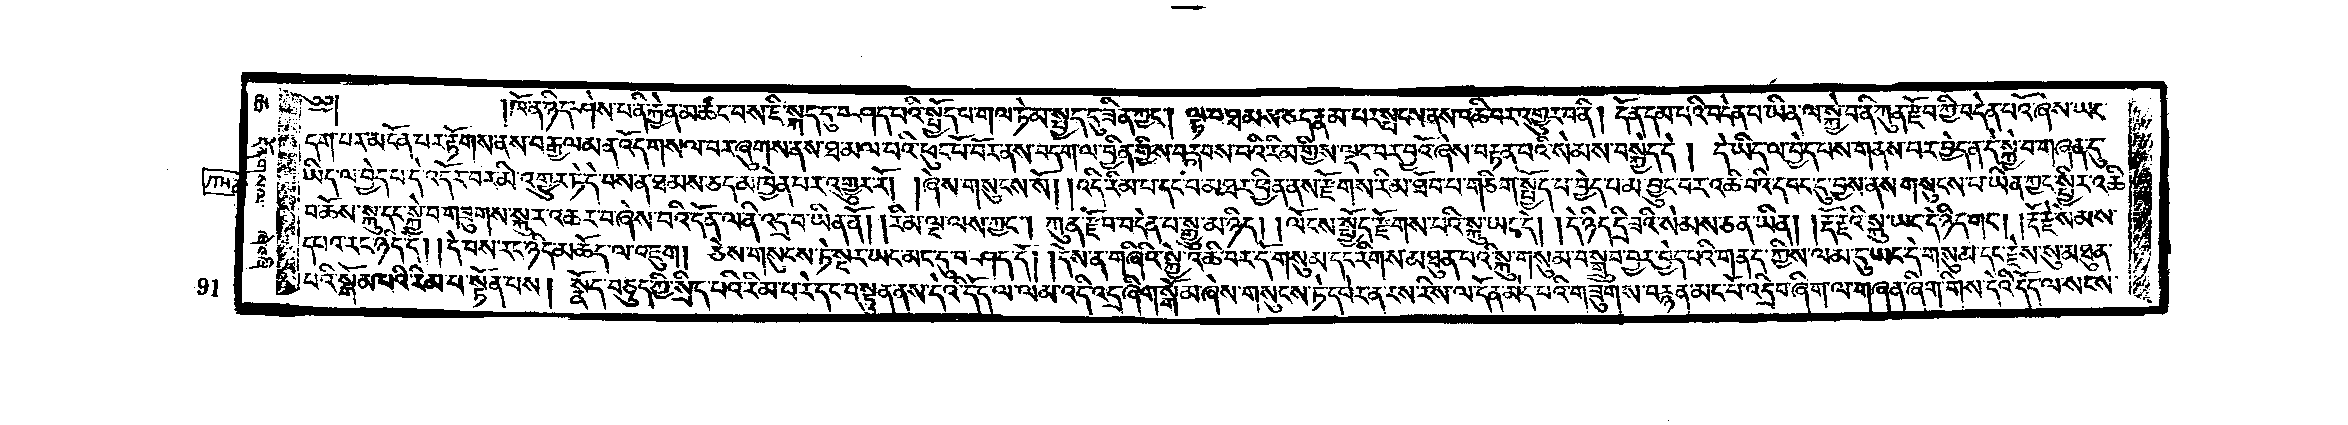༄༅། །ཁོ་ན་ཉིད་ཤེས་པ་ནི་རྐྱེན་མ་ཚང་བས་ཇི་སྐད་དུ་བཤད་པའི་སྤྱོད་པ་གལ་ཏེ་མ་སྤྱད་དུ་ཟིན་ཀྱང་། ལྟ་བ་ཐམས་ཅད་རྣམ་པར་སྤངས་ནས་འཆི་བར་འགྱུར་བ་ནི། དོན་དམ་པའི་བདེན་པ་ཡིན་ལ་སྐྱེ་བ་ནི་ཀུན་རྫོབ་ཀྱི་བདེན་པའོ་ཞེས་ཡང་
དག་པར་མངོན་པར་རྟོགས་ནས་བརྒྱལ་མན་?་འོད་གསལ་བར་ཞུགས་ནས་ཐ་མལ་པའི་ཕུང་པོ་བོར་ནས་བདག་ལ་བྱིན་གྱིས་བརླབས་པའི་རིམ་གྱིས་ལྡང་བར་བྱའོ་ཞེས་བརྟན་པའི་སེམས་བསྐྱེད་དེ། དེ་ཡིད་ལ་བྱེད་པས་གནས་པར་བྱེད་ན་དེ་སྐྱེ་བ་གཞན་དུ་
ཡིད་ལ་བྱེད་པ་དེ་འདོར་བར་མི་འགྱུར་ཏེ་དེ་བས་ན་ཐམས་ཅད་མཁྱེན་པར་འགྱུར་རོ། །ཞེས་གསུངས་སོ། །འདི་རིམ་པ་དང་པོ་མཐར་ཕྱིན་ནས་རྫོགས་རིམ་ཐོབ་པ་གཅིག་སྤྱོད་པ་བྱེད་པ་མ་བྱུང་བར་འཆི་བའི་དབང་དུ་བྱས་ནས་གསུངས་པ་ཡིན་ཀྱང་སྤྱིར་འཆི་
བ་ཆོས་སྐུ་དང་སྐྱེ་བ་གཟུགས་སྐུར་འཆར་བ་ཞེས་པའི་དོན་ལ་ནི་འདྲ་བ་ཡིན་ནོ། །རིམ་ལྔ་ལས་ཀྱང་། ཀུན་རྫོབ་བདེན་པ་སྒྱུ་མ་ཉིད། །ལོངས་སྤྱོད་རྫོགས་པའི་སྐུ་ཡང་དེ། །དེ་ཉིད་དྲི་ཟའི་སེམས་ཅན་ཡིན། །རྡོ་རྗེའི་སྐུ་ཡང་དེ་ཉིད་གང་། །རྡོ་རྗེ་སེམས་
དཔའ་རང་ཉིད་དེ། །དེ་བས་རང་ཉིད་མཆོད་ལ་འཇུག །ཅེས་གསུངས་ཏེ་སྔར་ཡང་མང་དུ་བཤད་དོ། །དེས་ན་གཞིའི་སྐྱེ་འཆི་བར་དོ་གསུམ་དང་རིགས་མཐུན་པའི་སྐུ་གསུམ་བསྒྲུབ་བྱར་བྱེད་པའི་གནད་ཀྱིས་ལམ་དུ་ཡང་དེ་གསུམ་དང་རྗེས་སུ་མཐུན་
པའི་སྒོམ་པའི་རིམ་པ་སྟོན་པས། སྣོད་བཅུད་ཀྱི་སྲིད་པའི་རིམ་པ་རེ་དང་བསྟུན་ནས་དེའི་དོད་ལ་ལམ་འདི་འདྲ་ཞིག་སྒོམ་ཞེས་གསུངས་ཏེ་དཔེར་ན་རས་རིས་ལ་དོན་མེད་པའི་གཟུགས་བརྙན་མང་པོ་འདྲི་བ་ཞིག་ལ་གཞན་ཞིག་གིས་དེའི་དོད་ལ་སངས་